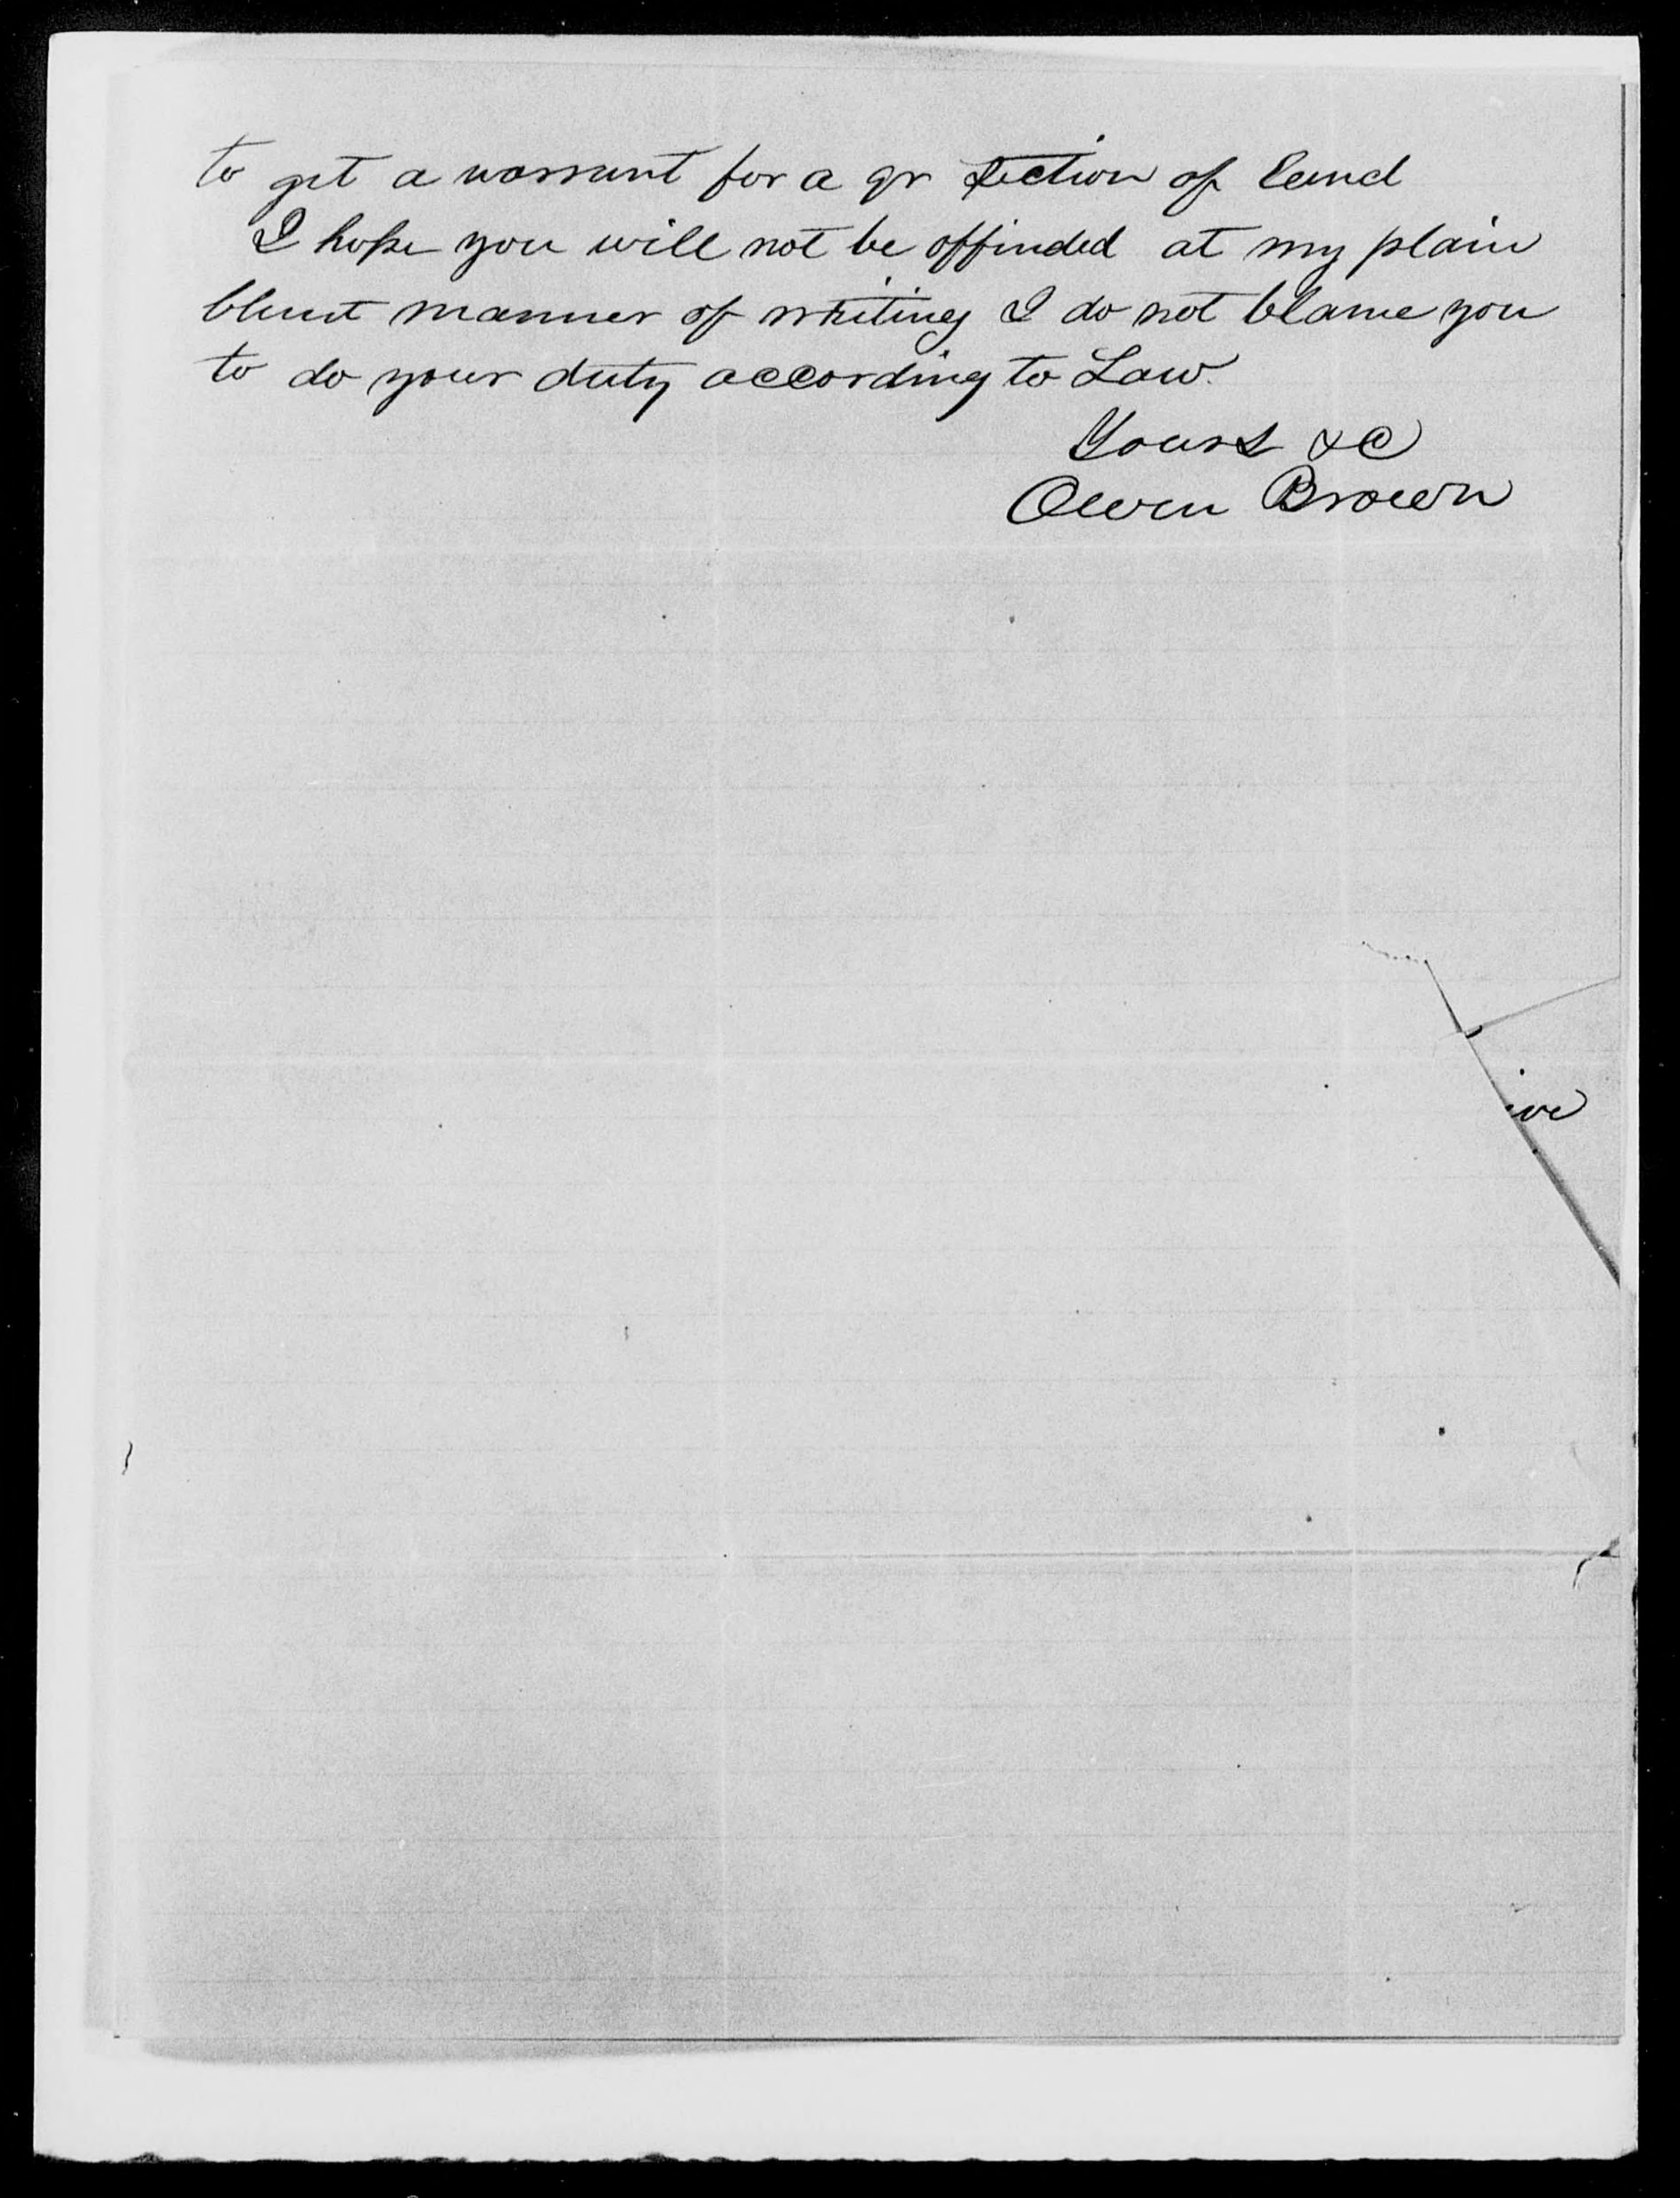to get a warrant for a qr section of land
I hope you will not be offended at my plain
blunt manner of writing I do not blame you
to do your duty according to Law.
Yours &c
Owen Brown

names: Owen Brown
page: 66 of 85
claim: widow's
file: W. 5,906, John Brown, S.C.